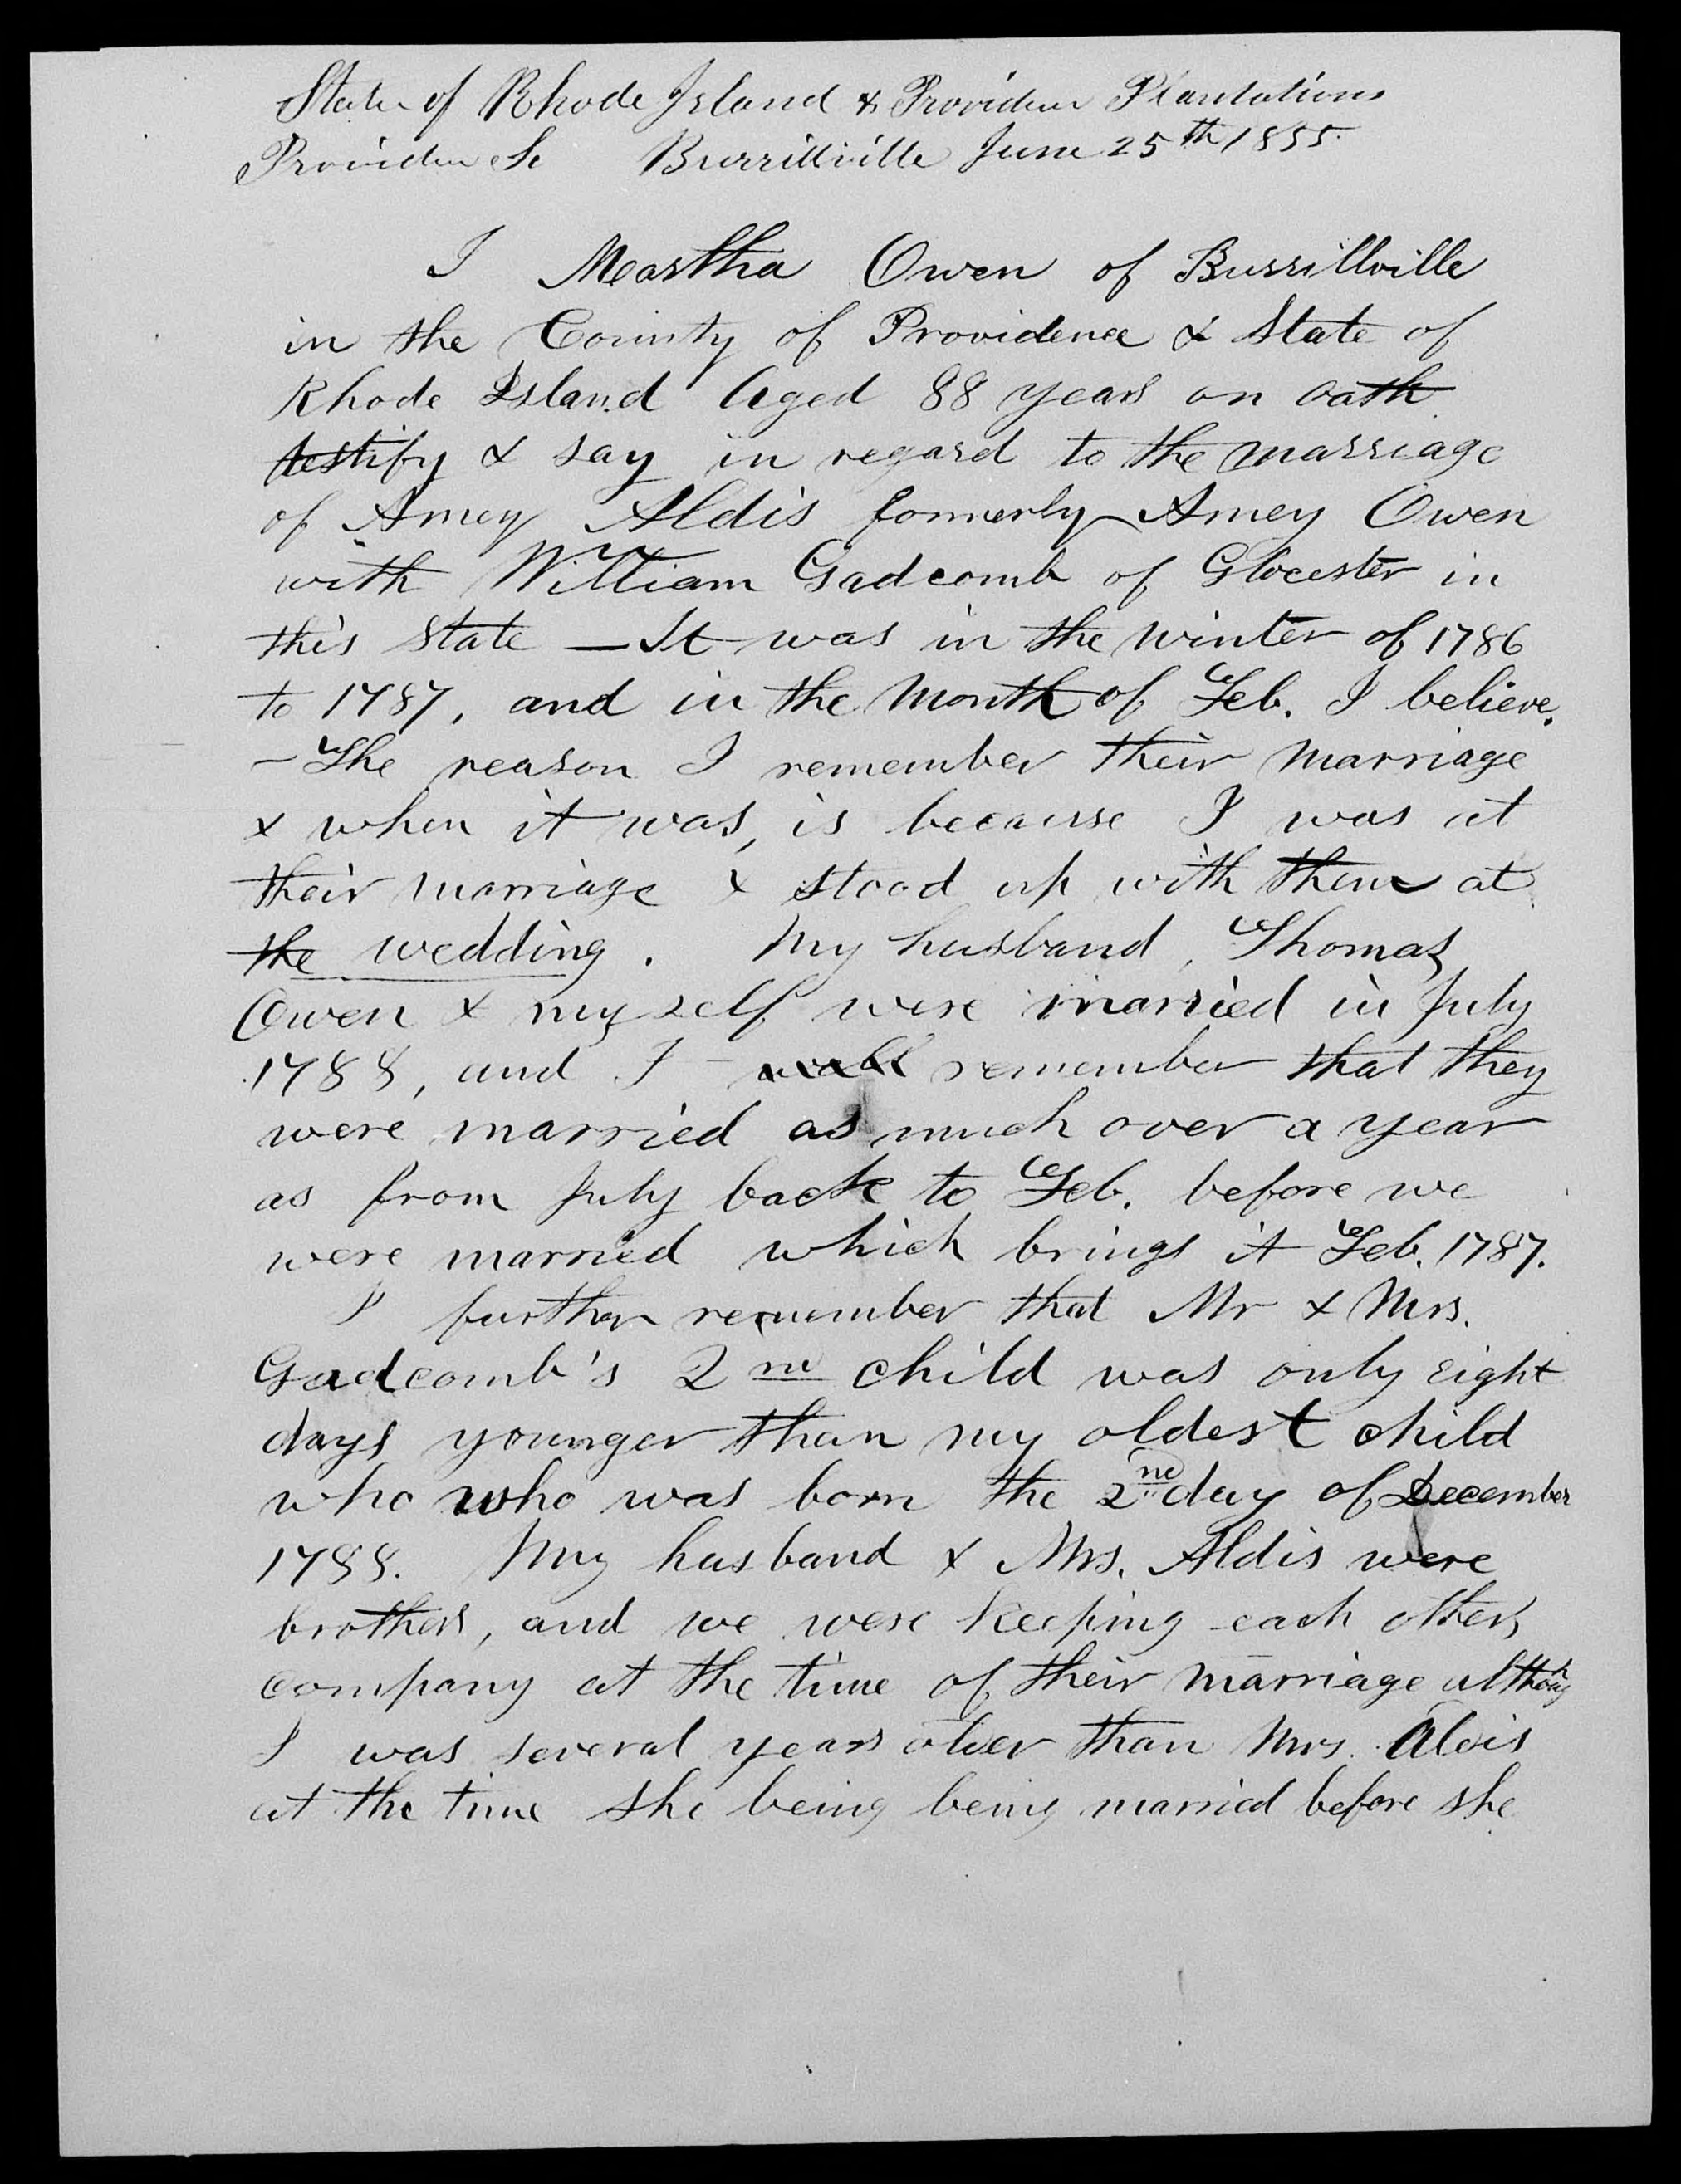State of Rhode Island & Providence Plantations
Providence Ss Burrillville June 25th 1855.
I Martha Owen of Burrillville
in the County of Providence & State of
Rhode Island aged 88 years on oath
testify & say in regard to the marriage
of Amey Aldis formerly Amey Owen
with William Gadcomb of Glocester in
this State. It was in the winter of 1786
to 1787, and in the month of Feb. I believe. 
The reason I remember their marriage
& when it was, is because I was at
their marriage & stood up with them at
the wedding. My husband Thomas
Owen & myself were married in July
1788, and I well remember that they
were married as much over a year
as from July back to Feb. before we
were married which brings it Feb. 1787.
I further remember that Mr. & Mrs. 
Gadcomb's 2d child was only Eight
days younger than my oldest child
who who was born the 2nd day of December
1788. My husband & Mrs. Aldis were
brothers, and we were keeping each other
company at the time of their marriage although
was several years older than Mrs. Aldis
at the time she being being married before she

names: William Gadcomb, Amey Aldis, Martha Owen, Aldis, Amey Owen, Thomas Owen, Aldis, Gadcomb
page: 15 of 76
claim: widow's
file: W. 15,517, William Gadcomb, R.I.